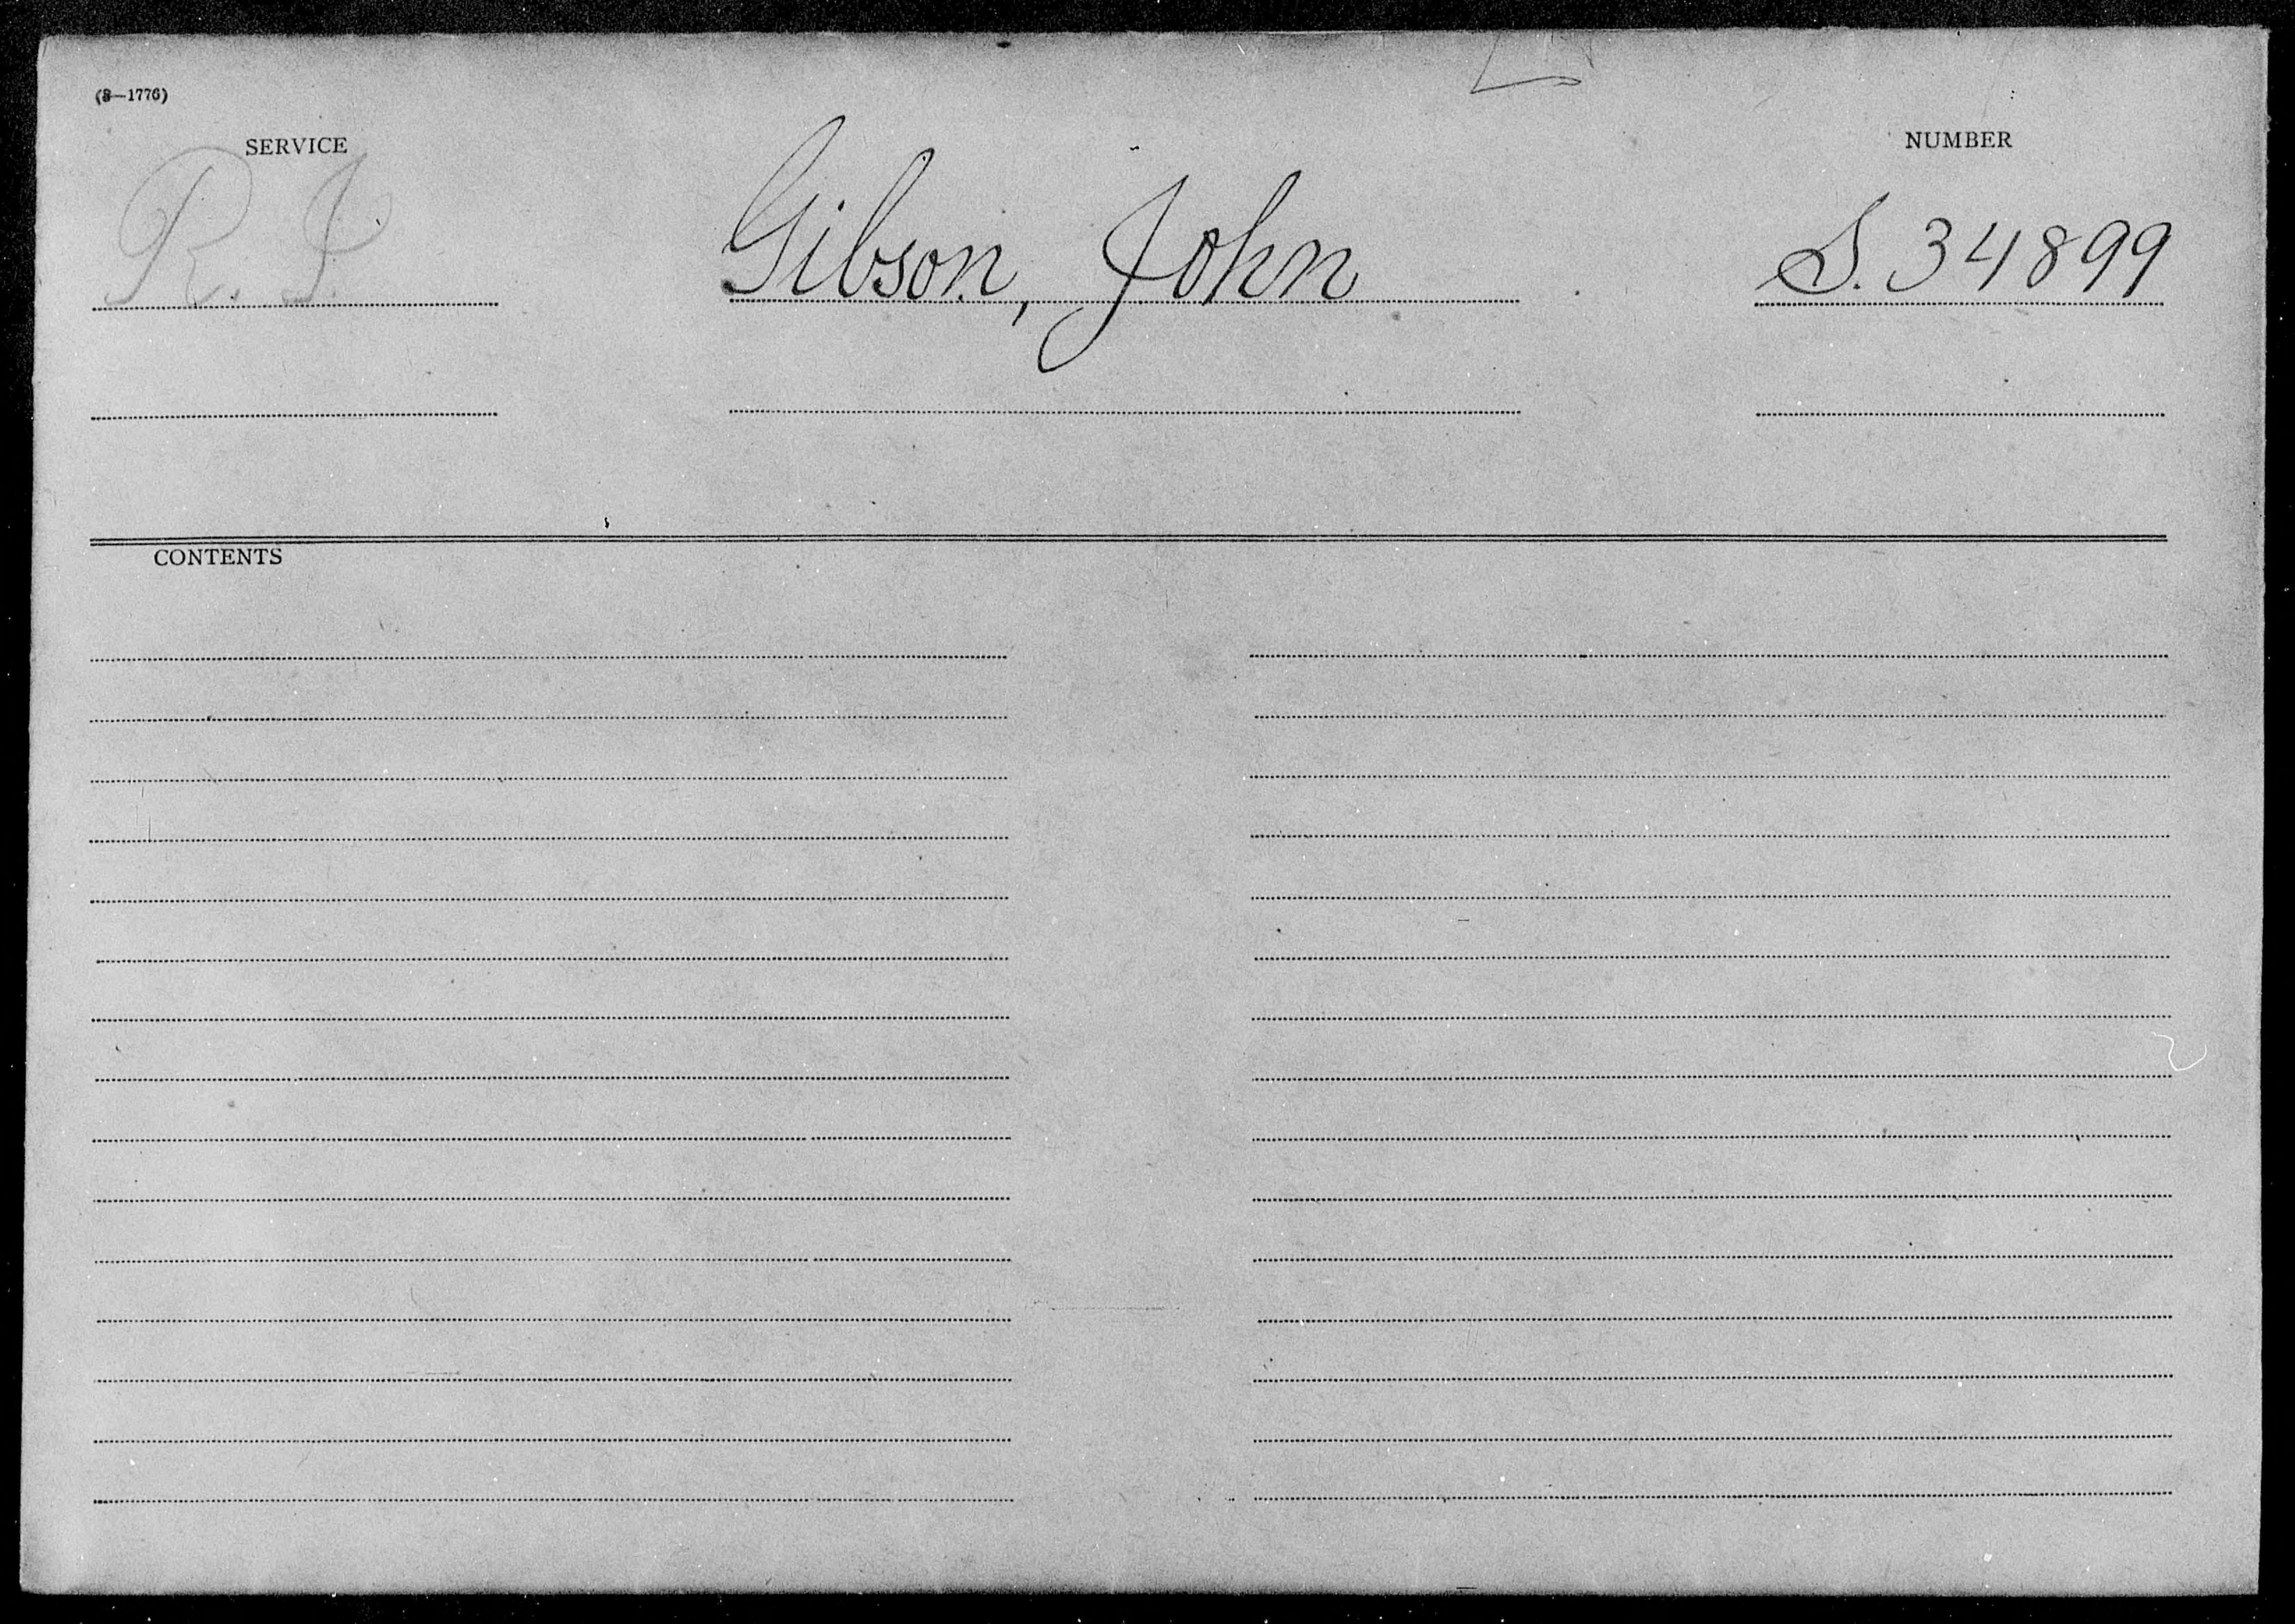(3 - 1776)
SERVICE
R. I.
Gibson, John
NUMBER
S. 34899

CONTENTS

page: 1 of 32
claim: survivor's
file: S. 34899, John Gibson, R.I.